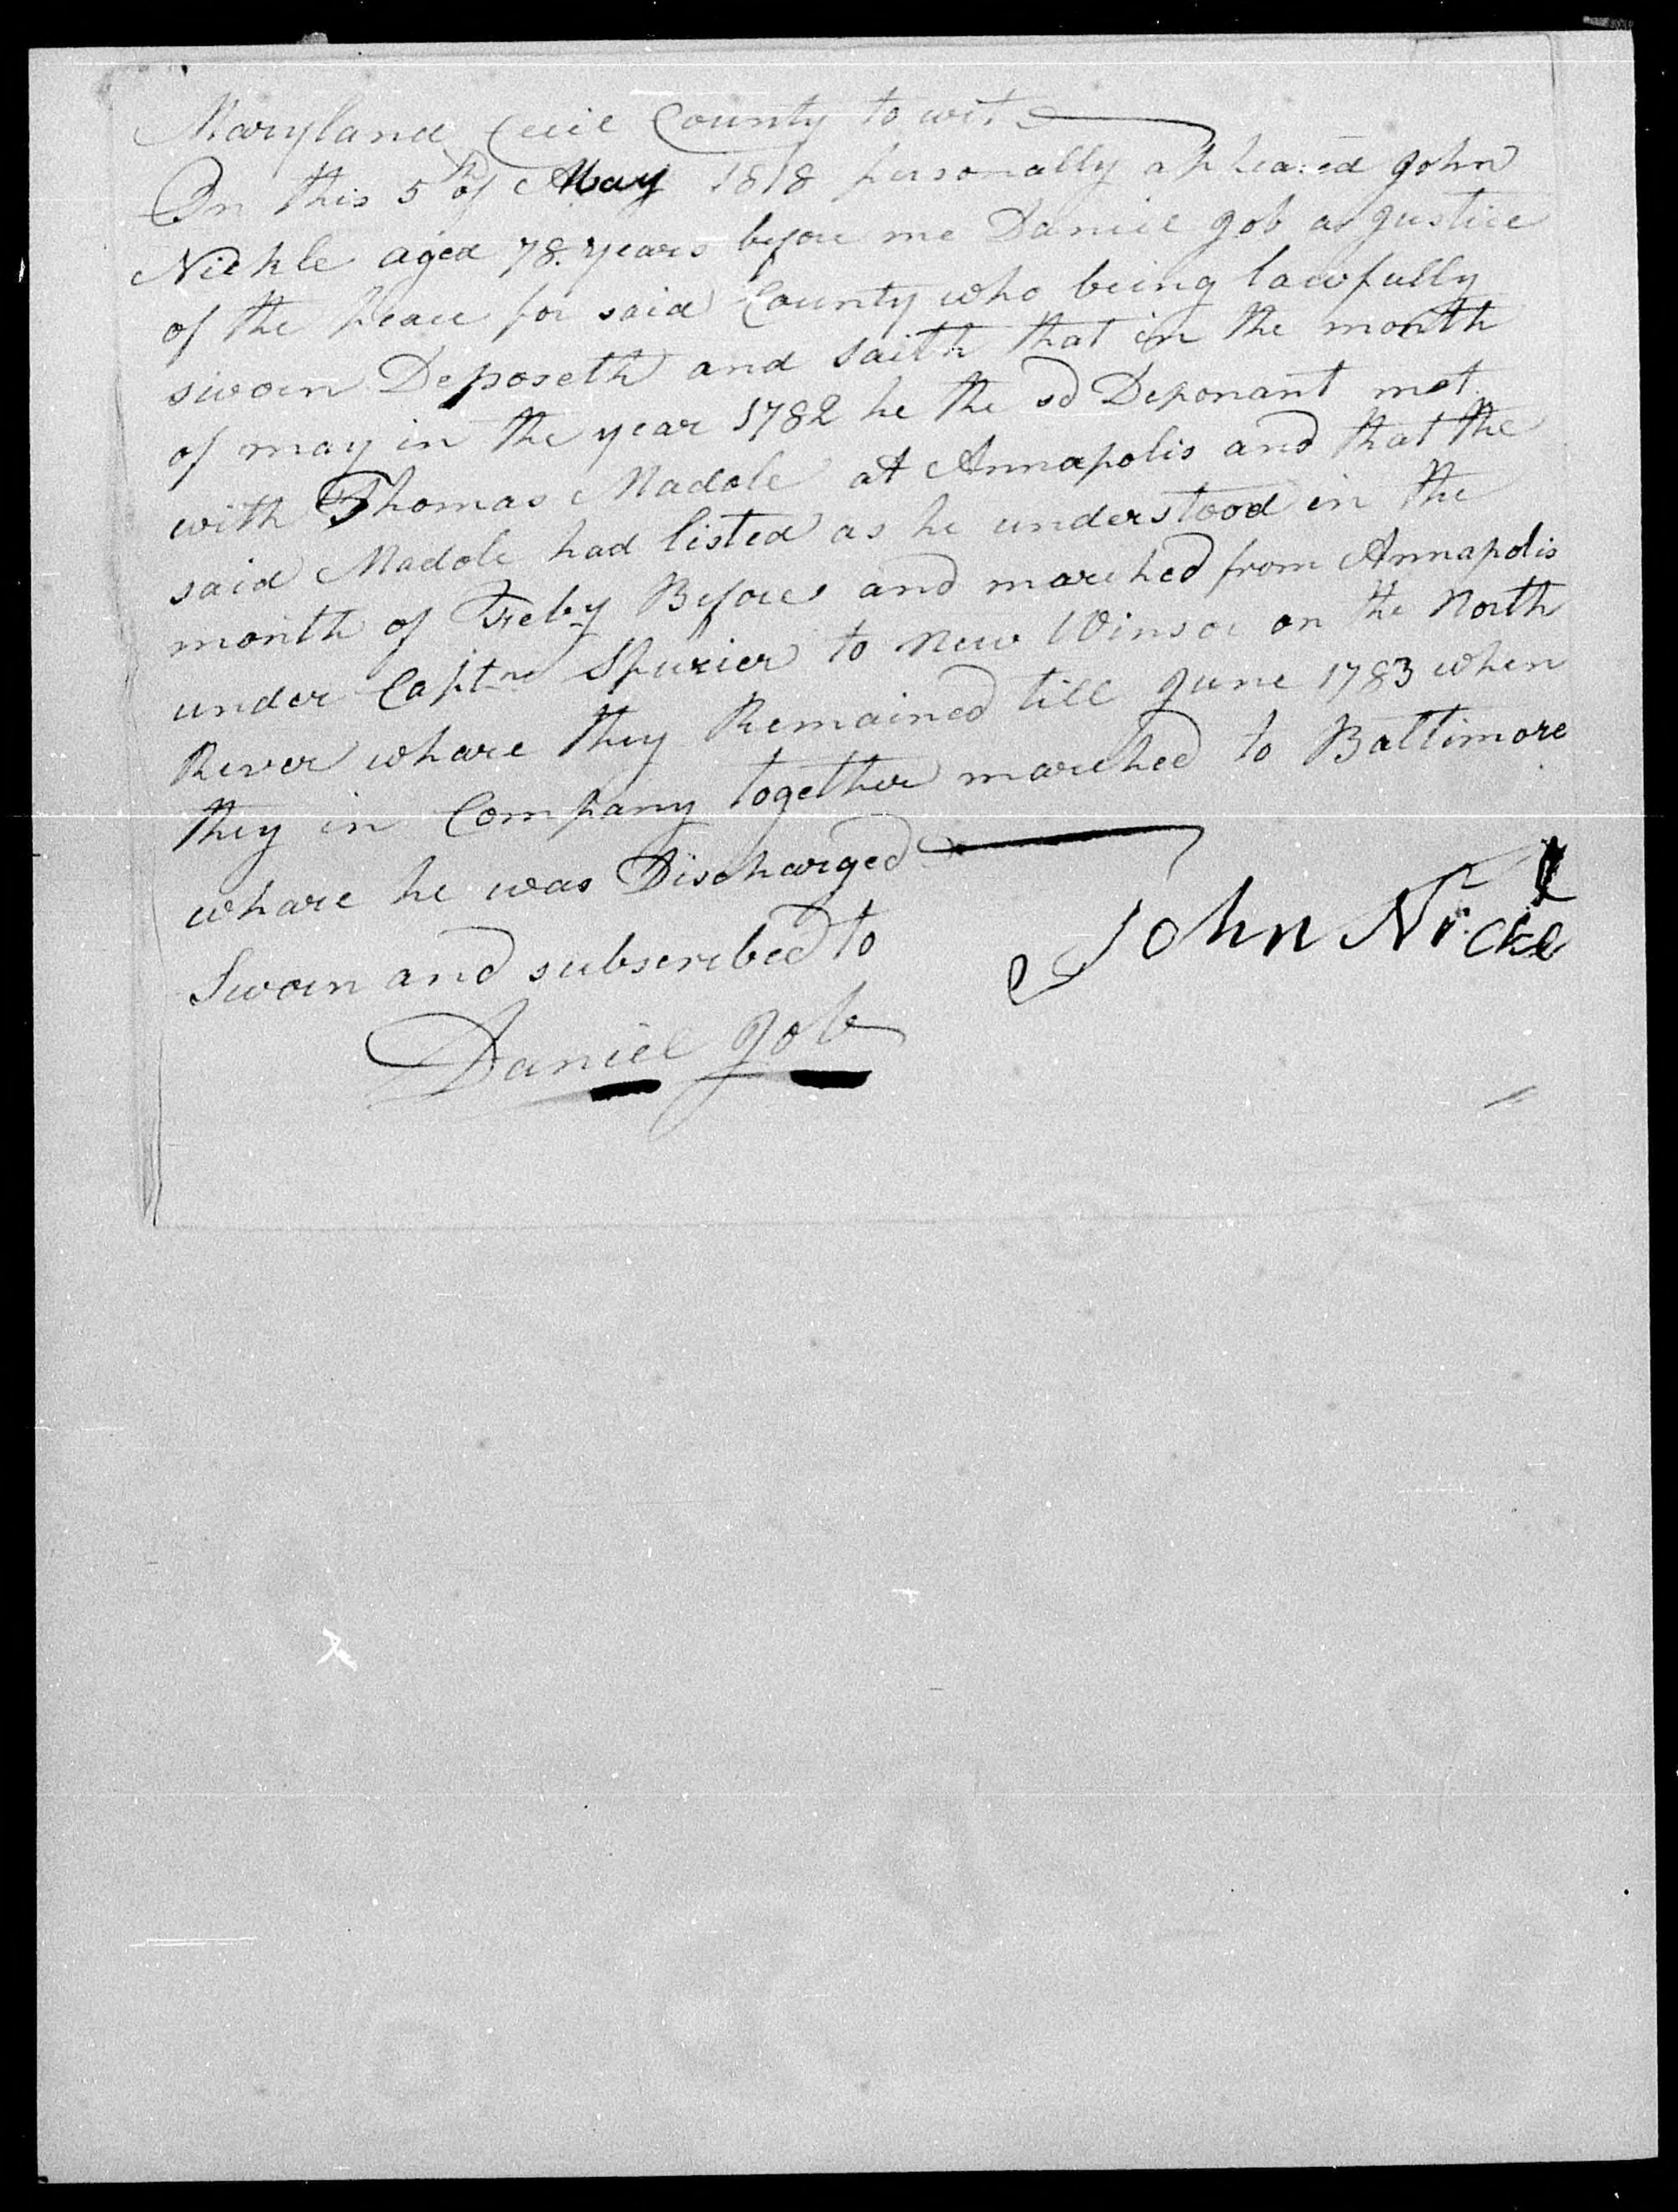Maryland Cecil County to wit --

On this 5th of May 1818 personally appeared John Nickle aged 78 years before me Daniel Job a Justice of the Peace for said County who being lawfully sworn Deposeth and Saith that in the month of May in the year 1782 he the sd Deponant met with Thomas Madole at Annapolis and that the said Madole has listed as he understood in the month of Feby Before and marched from Annapolis under Captn Spurier to New Winsor on the North River whare [sic] they Remained till June 1783 when they in Company together marched to Baltimore whare [sic] he was Discharged  -
   John Nickle
Sworn and subscribed to
   Daniel Job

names: [BLANK] Spurier; Thomas Madole; Daniel Job; John Nickle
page: 15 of 63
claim: widow's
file: W 2957, for Thomas Mc Dowell, Maryland